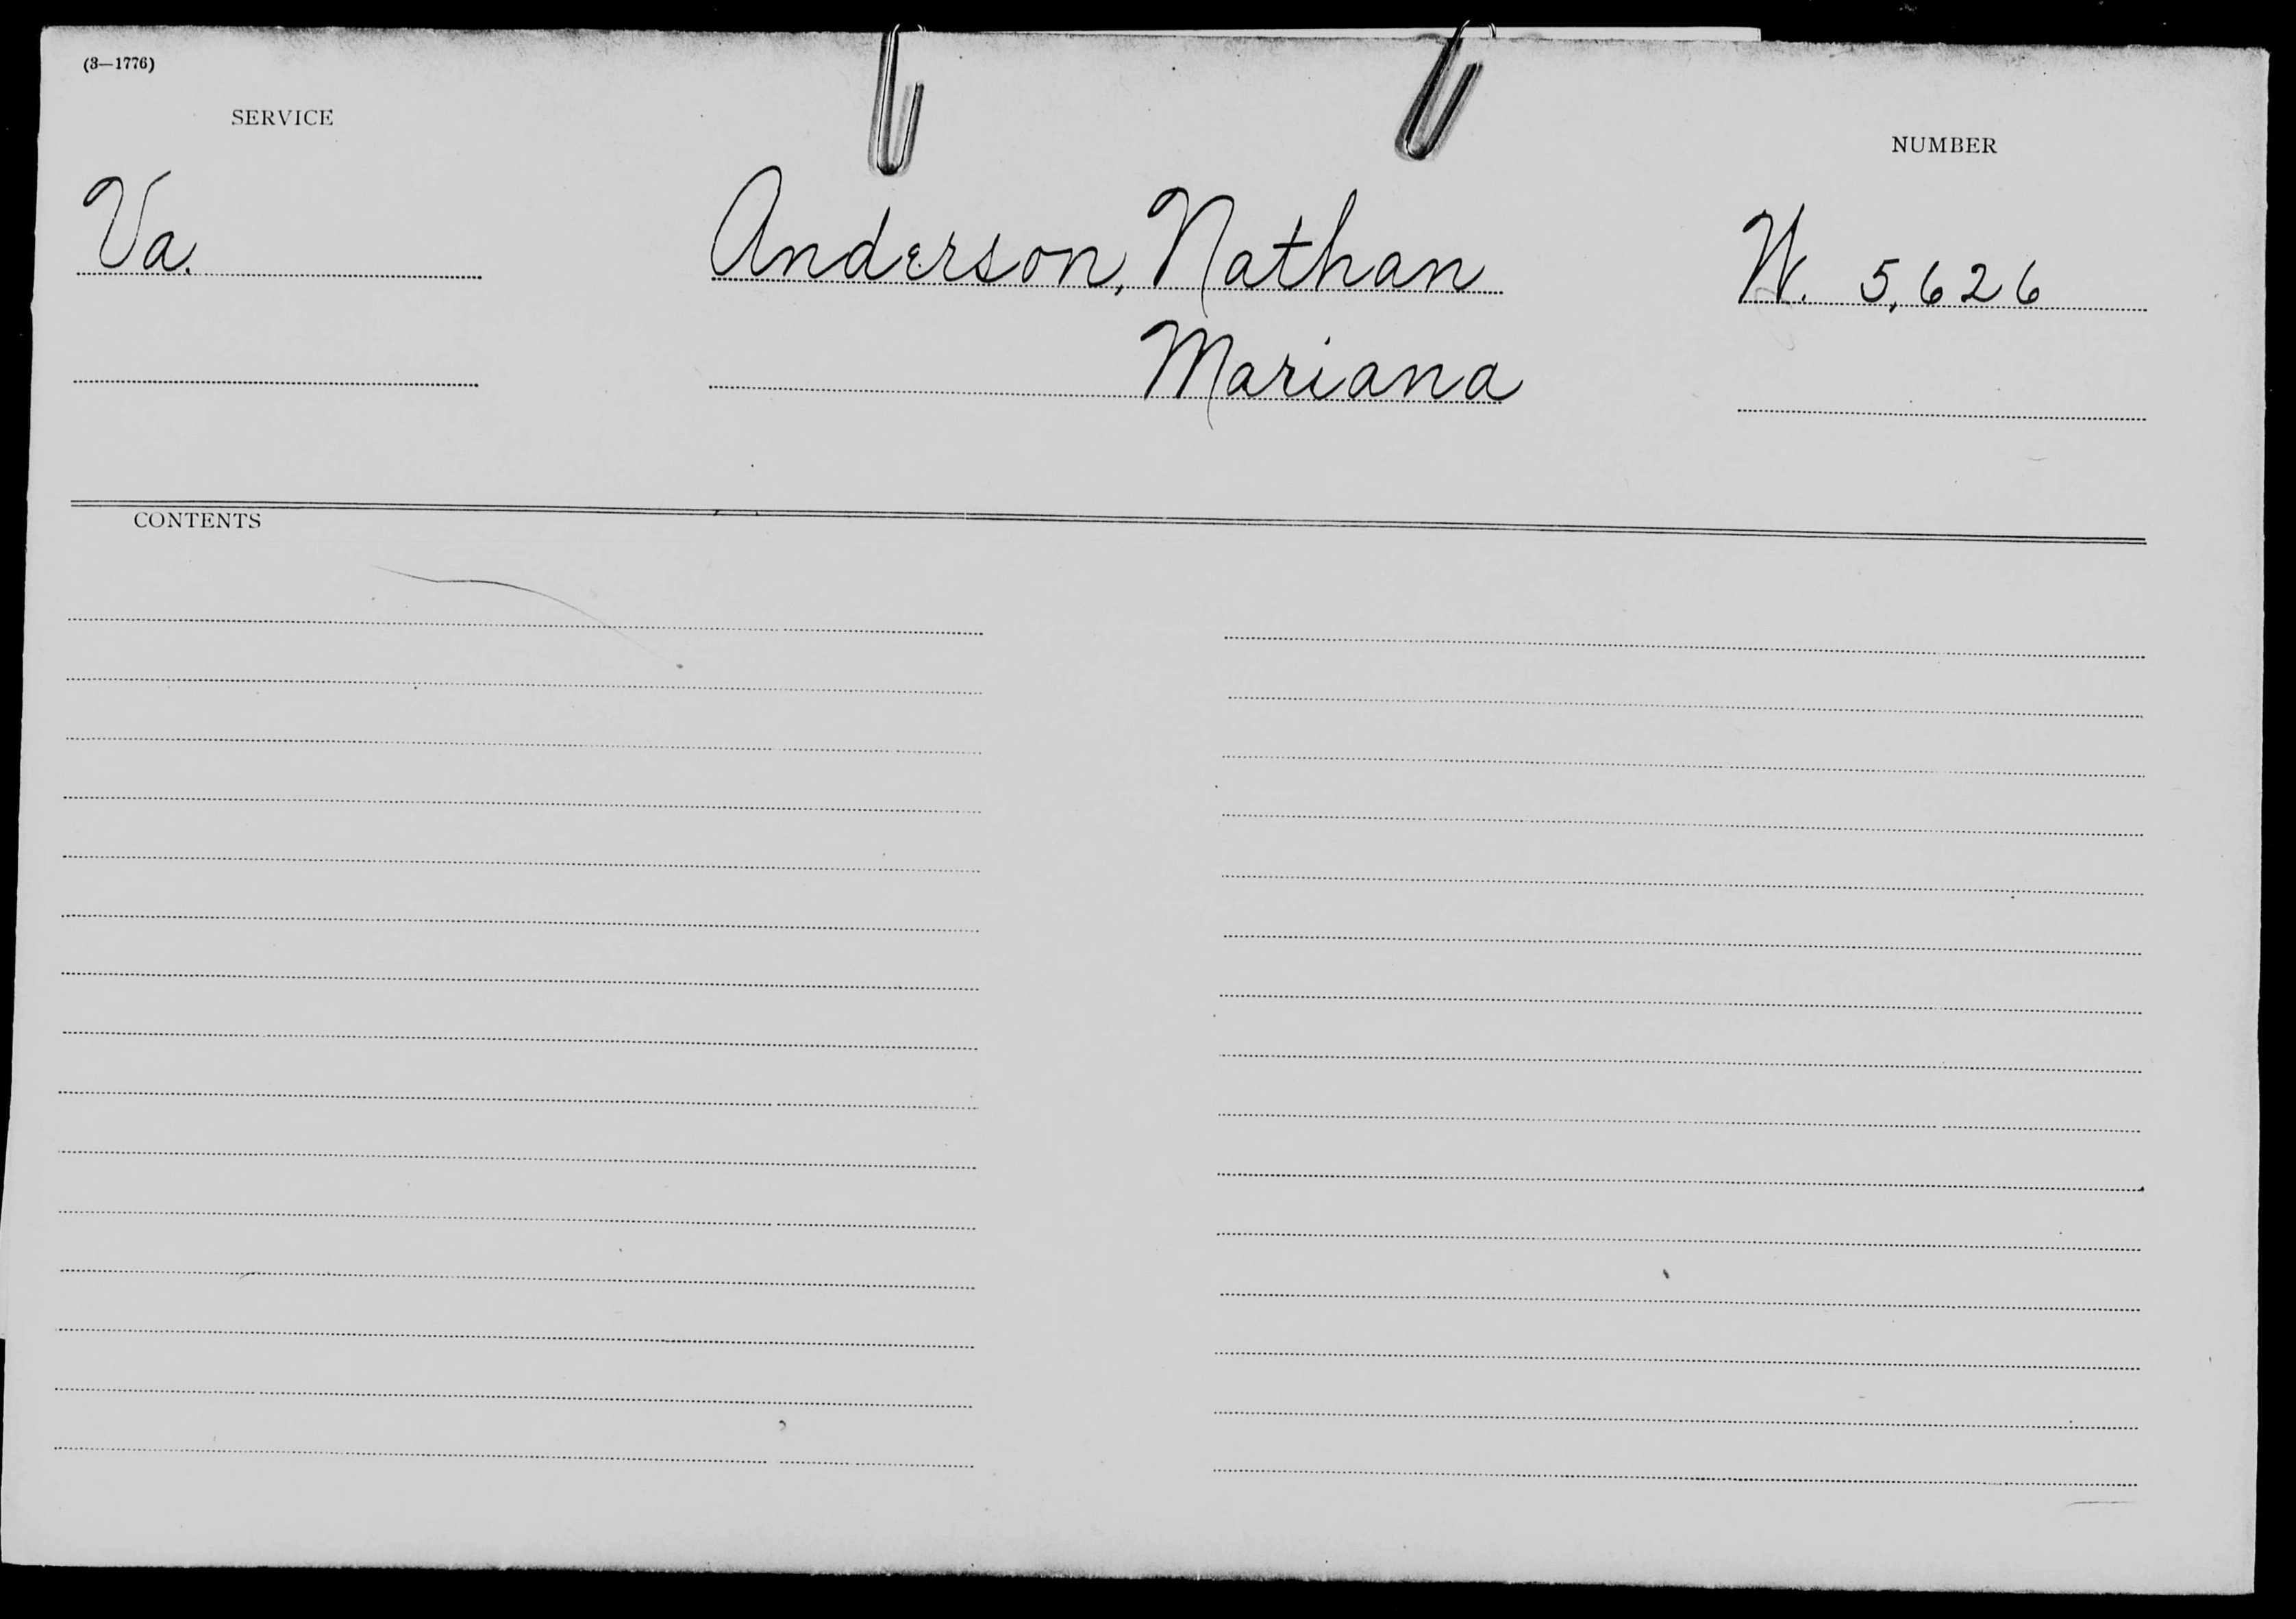(3—1776)
SERVICE  Va.
 Anderson, Nathan
Mariana
NUMBER  W. 5,626
CONTENTS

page: 1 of 43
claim: widow's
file: W. 5,626, Nathan Anderson, Va.